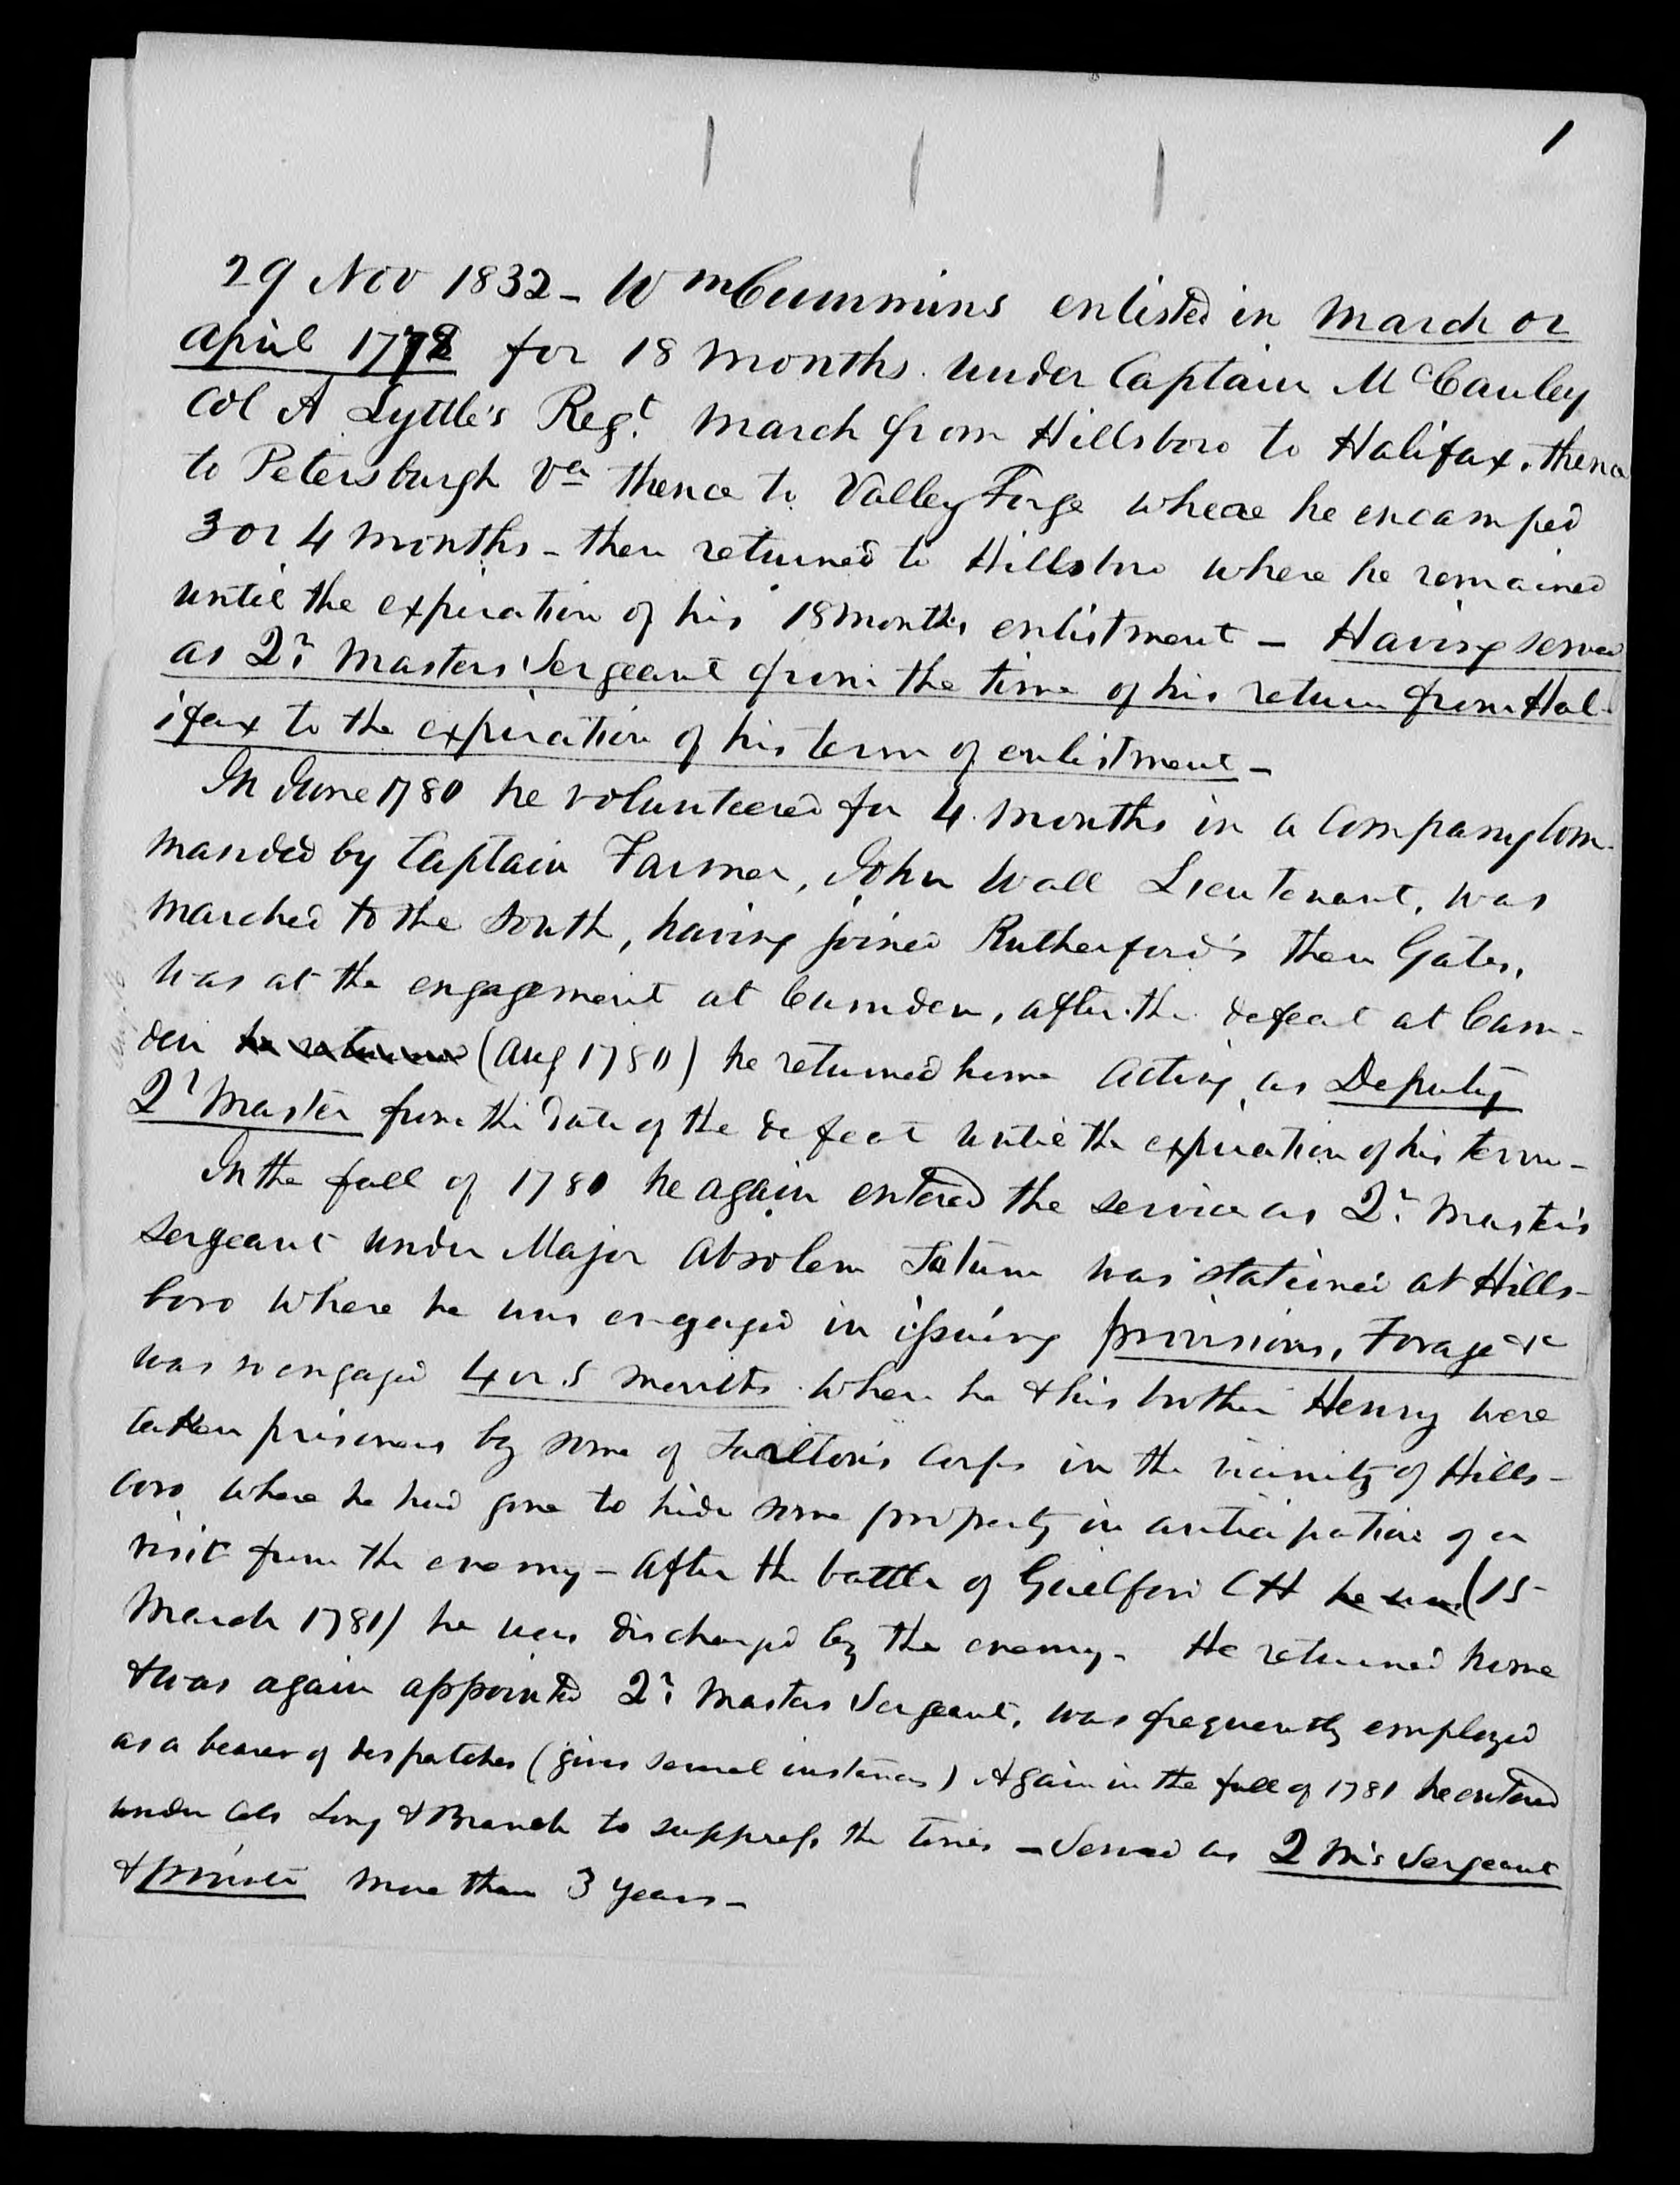[Handwritten record.  Occasional spacing has been included to make the long text block easier to read.]

29 Nov 1832_ Wm Cummins enlisted in [here the next three words and the year are underlined] March or April 1778 for 18 Months under Captain McCauley  Col A Lyttle's Regt march [marched] from Hillsboro to Halifax.  thence to Petersburgh Va [Virginia] thence to Valley Forge wheae [probably meaning where] he encamped 3 or 4 months _ then returned to Hillsboro where he remained until the expiration of his 18 Month's enlistment -  [here the next 22-word long phrase is underlined:] Having served as Qr. [Quarter] Masters Sergeant from the time of his return from Halifax to the expiration of his term of enlistment - 

In June 1780 he volunteered for 4 months in a company Commanded by Captain Farmer, John Wall Lieutenant, was marched to the South, having joined Rutherford's then Gates, was at the engagement at Camden, after the defeat at Camden [here "he returned" was crossed through] (Aug 1780) he returned home Acting as [here the following rank was underlined] Deputy Qr [Quarter] Master from the date of the defeat until the expiration of his term _

In the fall of 1780 [based on context, this year appears to have been 1780, but it could be read as 1781] he again entered the service as Qr. [Quarter] Master's Sergeant under Major Absolem Tatum   was stationed at Hillsboro Where he was engaged in issuing [here the next three words are underlined] provisions, Forage &c  was so engaged [here the next four words are underlined] 4 or 5 months Where [or when] he and his brother Henry were taken prisoners by some of Tarleton's Corps in the vicinity of Hillsboro where he had gone to hide some property in anticipation of a visit from the enemy -

After the battle of Guilford CH [Court House] [here "he was" was crossed through] (15 March 1781) he was discharged by the enemy.  He returned home and was again appointed Qr. Masters Sergeant, was frequently employed as a bearer of dispatches (gives several instances)  Again in the fall of 1781 he entered under Cols [Colonels] Long and Branch to suppress the tories _ Served as [here the first mentioned rank is underlined] QM's [Quarter Master's] Sergeant and [here the next word is underlined] private more than 3 years _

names: Rutherford, Branch, Long, Mc Cauley, Absolem Tatum, Farmer, Gates, Wm Cummins, Henry, John Wall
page: 53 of 145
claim: survivor's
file: S. 8265, William Cumming, N.C.